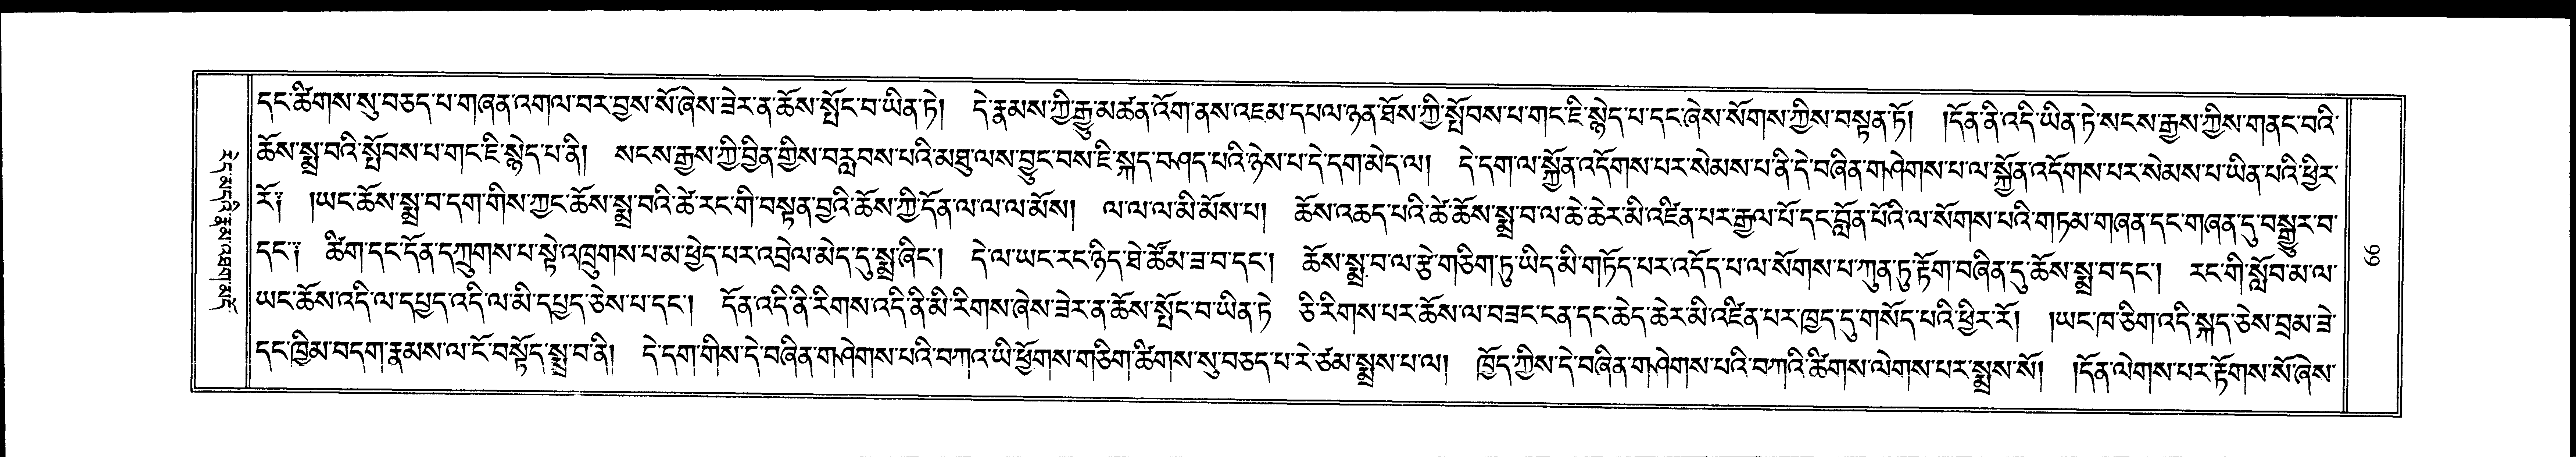དང་ཚིགས་སུ་བཅད་པ་གཞན་འགལ་བར་བྱས་སོ་ཞེས་ཟེར་ན་ཆོས་སྤོང་བ་ཡིན་ཏེ། དེ་རྣམས་ཀྱི་རྒྱུ་མཚན་འོག་ནས་འཇམ་དཔལ་ཉན་ཐོས་ཀྱི་སྤོབས་པ་གང་ཇི་སྙེད་པ་དང་ཞེས་སོགས་ཀྱིས་བསྟན་ཏོ། །དོན་ནི་འདི་ཡིན་ཏེ་སངས་རྒྱས་ཀྱིས་གནང་བའི་
ཆོས་སྨྲ་བའི་སྤོབས་པ་གང་ཇི་སྙེད་པ་ནི། སངས་རྒྱས་ཀྱི་བྱིན་གྱིས་བརླབས་པའི་མཐུ་ལས་བྱུང་བས་ཇི་སྐད་བཤད་པའི་ཉེས་པ་དེ་དག་མེད་ལ། དེ་དག་ལ་སྐྱོན་འདོགས་པར་སེམས་པ་ནི་དེ་བཞིན་གཤེགས་པ་ལ་སྐྱོན་འདོགས་པར་སེམས་པ་ཡིན་པའི་ཕྱིར་
རོ། །ཡང་ཆོས་སྨྲ་བ་དག་གིས་ཀྱང་ཆོས་སྨྲ་བའི་ཚེ་རང་གི་བསྟན་བྱའི་ཆོས་ཀྱི་དོན་ལ་ལ་ལ་མོས། ལ་ལ་ལ་མི་མོས་པ། ཆོས་འཆད་པའི་ཚེ་ཆོས་སྨྲ་བ་ལ་ཆེ་ཆེར་མི་འཛིན་པར་རྒྱལ་པོ་དང་བློན་པོའི་ལ་སོགས་པའི་གཏམ་གཞན་དང་གཞན་དུ་བསྒྱུར་བ་
དང་། ཚིག་དང་དོན་དཀྲུགས་པ་སྟེ་འཁྲུགས་པ་མ་ཕྱེད་པར་འབྲེལ་མེད་དུ་སྨྲ་ཞིང་། དེ་ལ་ཡང་རང་ཉིད་ཐེ་ཚོམ་ཟ་བ་དང་། ཆོས་སྨྲ་བ་ལ་རྩེ་གཅིག་ཏུ་ཡིད་མི་གཏོད་པར་འདོད་པ་ལ་སོགས་པ་ཀུན་ཏུ་རྟོག་བཞིན་དུ་ཆོས་སྨྲ་བ་དང་། རང་གི་སློབ་མ་ལ་
ཡང་ཆོས་འདི་ལ་དཔྱད་འདི་ལ་མི་དཔྱད་ཅེས་པ་དང་། དོན་འདི་ནི་རིགས་འདི་ནི་མི་རིགས་ཞེས་ཟེར་ན་ཆོས་སྤོང་བ་ཡིན་ཏེ། ཅི་རིགས་པར་ཆོས་ལ་བཟང་ངན་དང་ཆེད་ཆེར་མི་འཛིན་པར་ཁྱད་དུ་གསོད་པའི་ཕྱིར་རོ། །ཡང་ཁ་ཅིག་འདི་སྐད་ཅེས་བྲམ་ཟེ་
དང་ཁྱིམ་བདག་རྣམས་ལ་ངོ་བསྟོད་སྨྲ་བ་ནི། དེ་དག་གིས་དེ་བཞིན་གཤེགས་པའི་བཀའ་ཡི་ཕྱོགས་གཅིག་ཚིགས་སུ་བཅད་པ་རེ་ཙམ་སྨྲས་པ་ལ། ཁྱོད་ཀྱིས་དེ་བཞིན་གཤེགས་པའི་བཀའི་ཚིགས་ལེགས་པར་སྨྲས་སོ། །དོན་ལེགས་པར་རྟོགས་སོ་ཞེས་